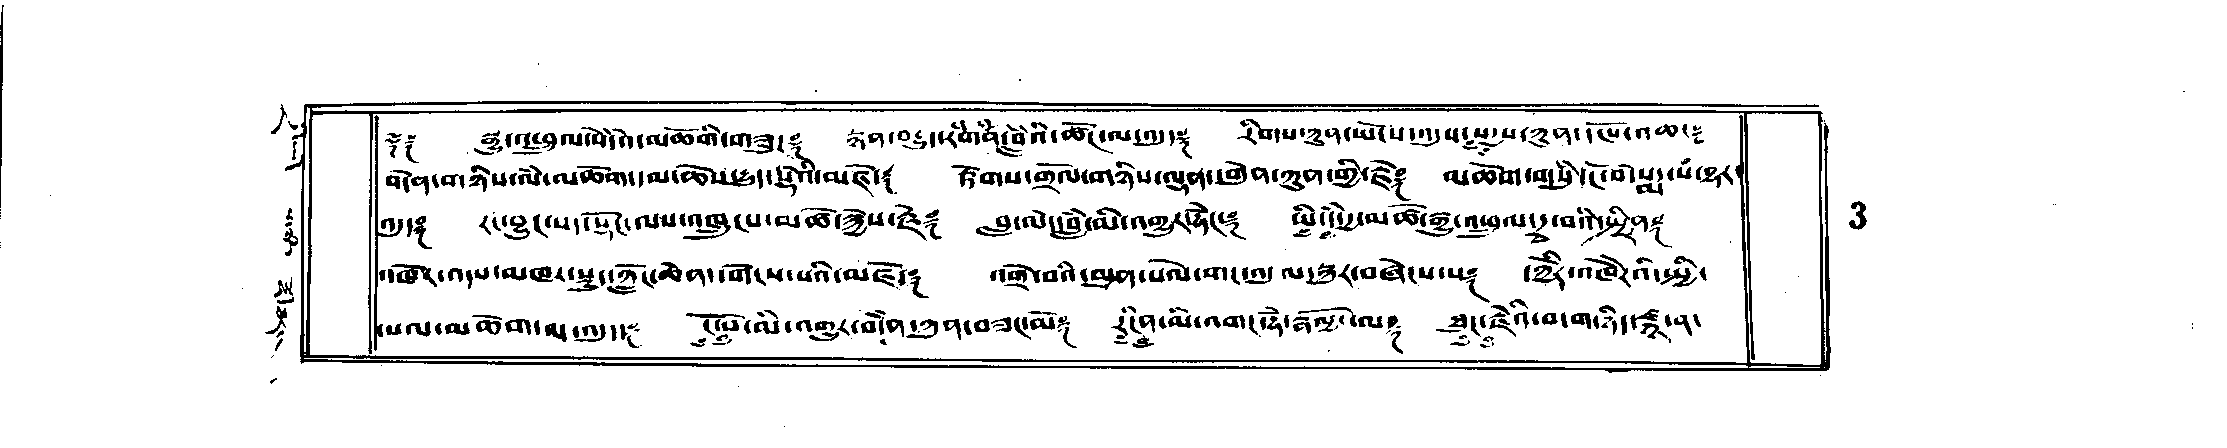སྒྱུ་འཕྲུལ་སེམས་དཔའ་མཆོག་གི་གཟུགས། །སྙན་བརྒྱུད་རིག་འཛིན་བླ་མའི་ཚོགས་ལ་འདུད། །རིགས་ཀུན་ཡོངས་འདུས་སངས་རྒྱས་ཀུན་དངོས་འཆང་། །
བདེན་གཉིས་ལམ་མཆོག་དམ་ཆོས་རྒྱུད་སྡེའི་མཛོད། །རྟོགས་གྲོལ་གཉིས་ལྡན་དགེ་འདུན་ཀུན་གྱི་རྗེ། །མཆོག་གསུམ་ངོ་བོ་པདྨ་སཾ་བྷར་
འདུད། །རང་བྱུང་པད་སྡོང་ལས་འཁྲུངས་མཚོ་སྐྱེས་རྗེ། །བླ་མེད་བླ་མ་མི་འགྱུར་རྡོ་རྗེ་འཆང་། །ཡི་དམ་རྒྱ་མཚོ་སྒྱུ་འཕྲུལ་དྲྭ་བའི་སྤྲིན། །
འཁོར་འདས་མཁར་སྡུད་ཀློང་ཆེན་དགོངས་པའི་མཛོད། །འགྲོ་བའི་མུན་སེལ་གང་འདུལ་སྐུར་བཞེངས་པ། །དཀྱིལ་འཁོར་འཁོར་ལོའི་སྤྱི་
དཔལ་མཆོག་ལ་འདུད། །ངོ་བོ་མི་འགྱུར་བདེ་ཆེན་ཀུན་བཟང་མོ། །རང་བཞིན་མི་འགགས་རྡོ་རྗེ་རྣལ་འབྱོར་མ། །ཐུགས་རྗེའི་བདག་ཉིད་ཛྙ་ན་